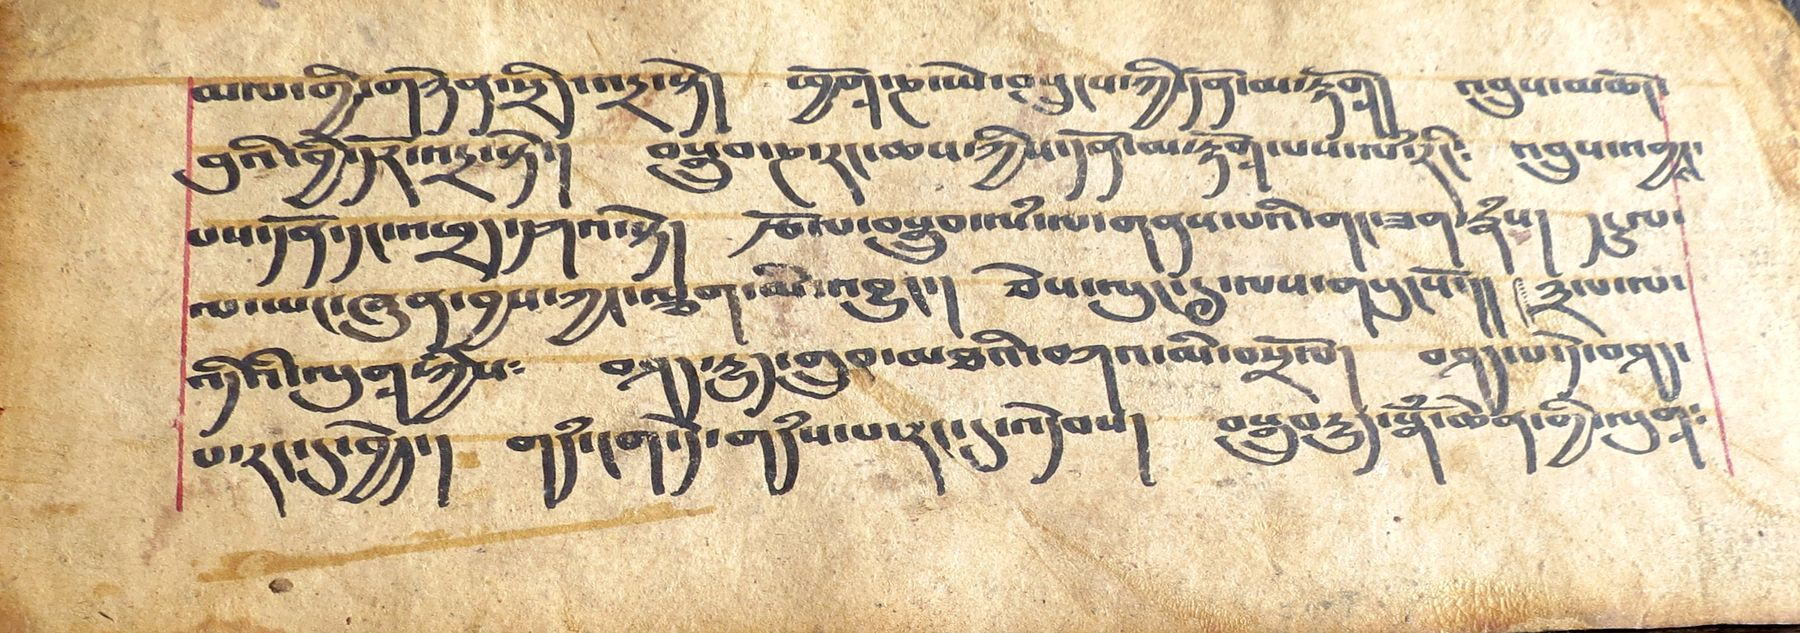མལ་གྱི་གཉེན་སྲིད་དང་འདྲ་སྟེ། ཕྱོགས་མེད་ཡེ་སྲུང་གི་དོན་མ་རྟོགས། འབྲས་བུ་མཆོང་
བུའི་བྱི་དོར་འདྲ་སྟེ། སྒྲིབ་མེད་རང་ཆས་ཀྱི་དོན་མ་རྟོགས་པས། ལམ་རིང་འབྲས་བུ་འགྱངས་
པས་དོན་དང་འཕྲད་པ་དཀའ་སྟེ། རྩོལ་སྒྲུབ་ལམ་ལ་གནས་པའི་གང་ཟག་རྣམས། དངུལ་
ལ་ཡང་ཞུན་བྱས་ཀྱང་ལྕགས་མི་འབྱུང་། ཞེས་ལུང་དྲུག་ལས་གསུངས་སོ། རྒྱུ་མཚན་ལ་
འདི་ཡི་ལུགས་ཀྱི། བཤད་རྒྱུད་གྲུབ་མཐའི་བཀའ་སྲོལ། བཤད་པ་དེ་བཤད་
པར་རང་དུ་བྱེད། གདམས་ངག་དེ་གདམ་ངག་རང་དུ་འདེབས། སྒྲུབ་རྒྱུད་སྒོམ་ཆེན་པའི་ལུགས།